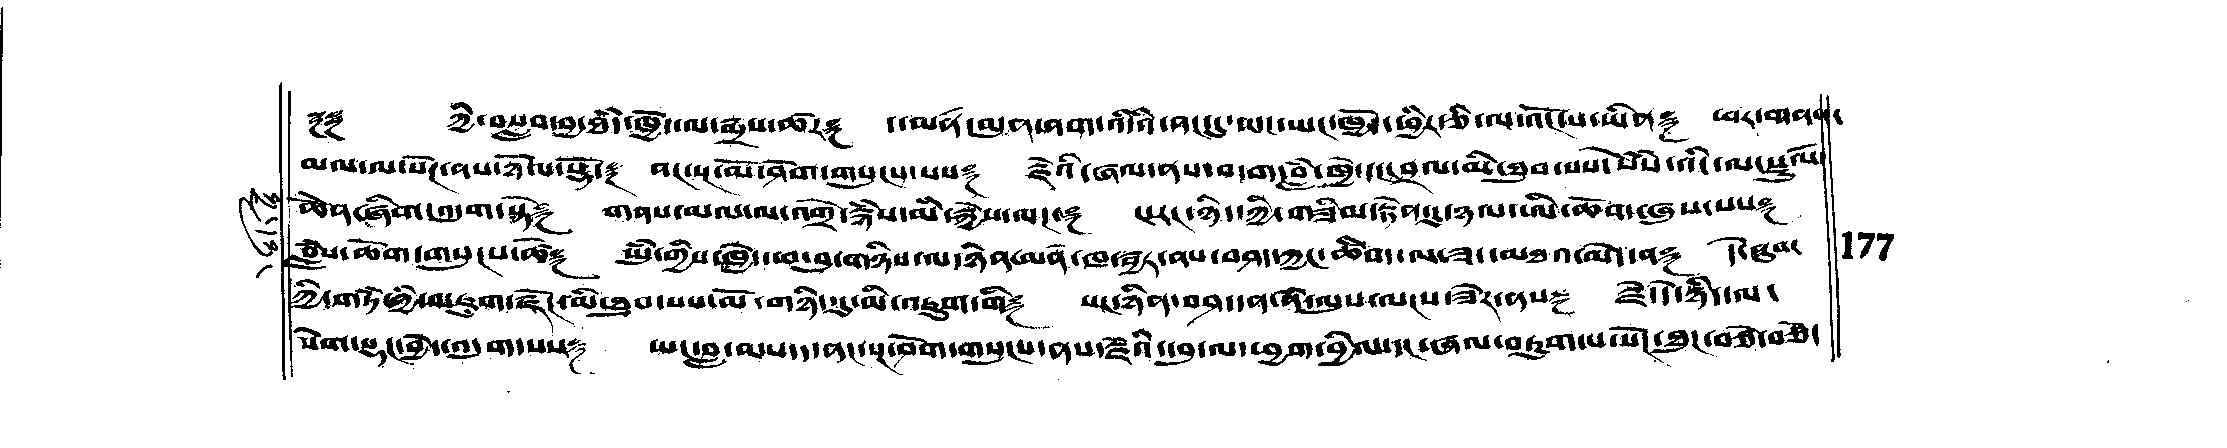ཀྱི་བསླབ་བྱ་ཐམས་ཅད་ཁྱེད་ལ་སྨྲས་ཚར། ད་མཚན་མུན་ནག་འདིའི་ནང་དུ་ཡང་ཡང་ཁྱོད་ཕྱིར་ཅི་ལ་འོང་པ་ཡིན།ཕར་གནས་
མལ་ལ་སོང་ནས་ཉོལ་སྡོད། ནངས་སྔ་མོ་ཤོག་གསུངས་པས། རྗེའི་ཞལ་ནས་བདག་བླ་མ་ཁྱེད་དང་བྲལ་མི་ཐུབ་པས་སེམས་འདི་ལ་སྡུག་བསྔལ་
ཆེན་པོ་ཞིག་འདུག་སྟེ་གནས་མལ་ལ་འགྲོ་སྙམས་མི་སྐྱེས་ལགས། ང་རང་ཉིད་ཀྱི་གཟིམ་རྟེན་དུ་ཉལ་ཨི་ཆོག་ཞུས་པས། 
བླ་མས་ཆོག་གསུངས་ཚེ། ཡུམ་གྱིས་ཁྱེད་ཕ་བུ་གཉིས་ལ་ཉིན་མཚན་ཁ་སྦྱར་ནས་བཤད་ཀྱང་ཚིག་ལ་ཟད་མཐའ་མེད་ན། དོ་ནུབ་
ཀྱི་གཏམ་གྱི་མཇུག་རྫོགས་མི་ཐུབ་པས། མོ་གཉིད་དུ་མི་འཇུག་གི། སང་ཉིན་བཤད་ན་ནམ་ལོས་ལངས་ཟེར་ནས། རྗེ་དེ་ཉིད་ལ་
སེག་སྡང་བྱེད་འདུག་པས། ཡང་བླ་མས་ད་ནངས་སྔ་ཤོག་གསུངས་ནས་རྗེའི་དབུ་ལ་ཕྱག་བྱིལ་དང་ཞལ་བཏུགས་པ་སོགས་ཐུགས་བཅོ་བཅོ་༼བརྩེ་བརྩེ?༽